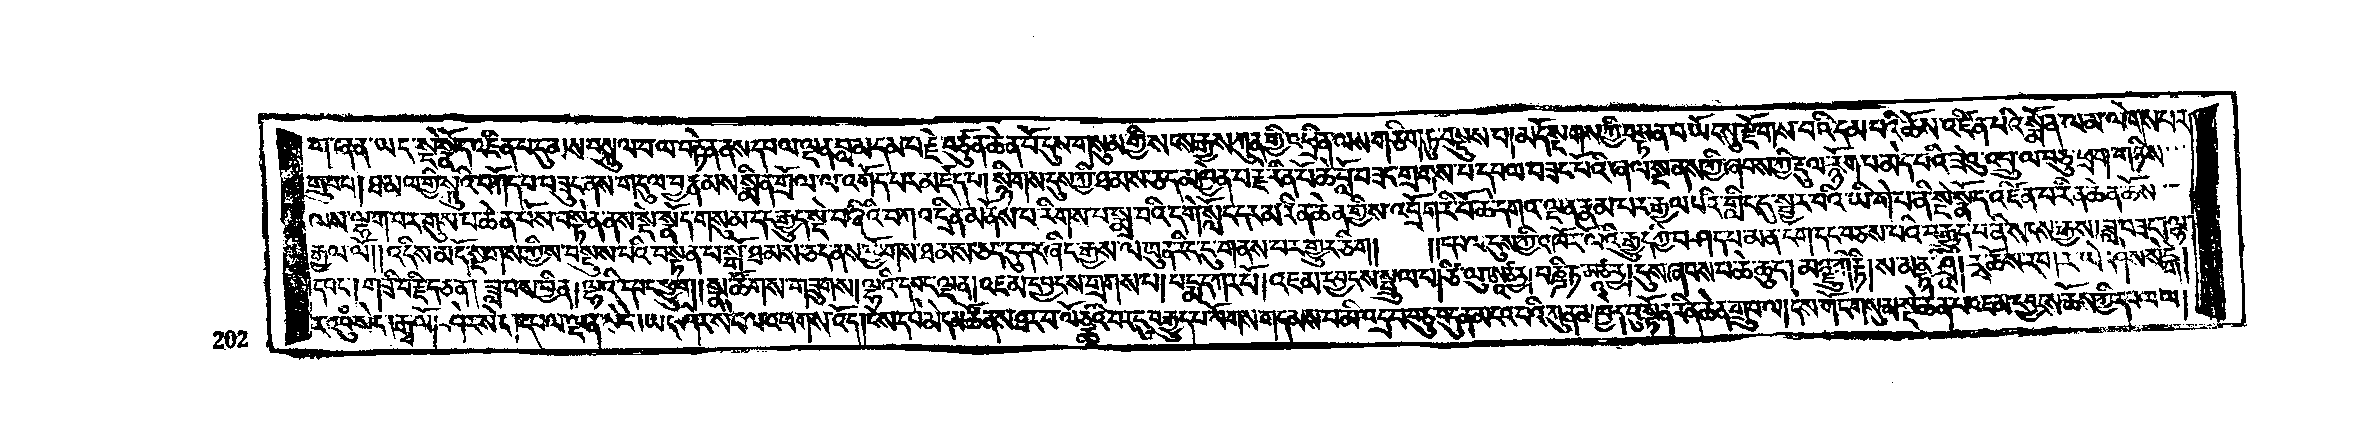གཞན་ཡང་སྡེ་སྣོད་འཛིན་པ་དུ་མས་བསྐུལ་བ་ལ་བརྟེན་ནས་དཔལ་ལྡན་བླ་མ་དམ་པ་རྗེ་བཙུན་ཆེན་པོ་དུས་གསུམ་གྱིས་སངས་རྒྱས་ཀུན་གྱི་འཕྲིན་ལས་གཅིག་ཏུ་བསྡུས་པ། མདོ་སྔགས་ཀྱི་བསྟན་པ་ཡོངས་སུ་རྫོགས་པའི་དམ་པའི་ཆོས་འཛིན་པའི་སྨོན་ལམ་ལེགས་པར་
གྲུབ་པ། ཐ་མལ་གྱི་སྐུའི་བཀོད་པ་བཟུང་ནས་གདུལ་བྱ་རྣམས་སྨིན་གྲོལ་ལ་འགོད་པར་མཛད་པ། སྙིགས་དུས་ཀྱི་ཐམས་ཅད་མཁྱེན་པ་རྗེ་རིན་པོ་ཆེ་བློ་བཟང་གྲགས་པ་དཔལ་བཟང་པོའི་ཞལ་སྔ་ནས་ཀྱི་ཞབས་ཀྱི་རྡུལ་རྙོག་པ་མེད་པའི་ཟེའུ་འབྲུ་ལ་བཅུ་ཕྲག་གཉིས་
ལས་ལྷག་པར་གུས་པ་ཆེན་པོས་བསྟེན་ནས་སྡེ་སྣོད་གསུམ་དང་རྒྱུད་སྡེ་བཞིའི་བཀའ་དྲིན་མ་ནོས་པ་རིགས་པ་སྨྲ་བའི་དགེ་སློང་དང་མ་རིན་ཆེན་གྱིས་འབྲོག་རི་པོ་ཆེ་དགའ་ལྡན་རྣམ་པར་རྒྱལ་བའི་གླིང་དུ་སྦྱར་བའི་ཡི་གེ་པ་ནི་སྡེ་སྣོད་འཛིན་པ་རིན་ཆེན་ཆོས་
རྒྱལ་ལོ། །འདིས་མདོ་སྔགས་ཀྱིས་བསྡུས་པའི་བསྟན་པ་སྒོ་ཐམས་ཅད་ནས་ཕྱོགས་ཐམས་ཅད་དུ་དར་ཞིང་རྒྱས་ལ་ཡུན་རིང་དུ་གནས་པར་གྱུར་ཅིག། །།དཔལ་དུས་ཀྱི་འཁོར་ལོའི་རྒྱུད་ཀྱི་བཤད་པ་མན་ངག་དང་བཅས་པའི་བརྒྱུད་པ་ནི་སངས་རྒྱས། ཟླ་བཟང་། ལྷ་
དབང་། གཟི་བརྗིད་ཅན། ཟླ་བས་བྱིན། ལྷའི་དབང་ཕྱུག །སྣ་ཚོགས་གཟུགས། ལྷའི་དབང་ལྡན། འཇམ་དབྱངས་གྲགས་པ། པདམ་དཀར་པོ། འཇམ་དབྱངས་སྤྲུལ་པ། ཙི་ལུ་ཨཱ་ཅ་རྱ། དུས་ཞབས་པ་ཆེ་ཆུང་། མཉྫུ་ཀིརཏི། ས་མནཏ་ཤྲཱ། རྭ་ཆོས་རབ། ར་ཡེ་ཤེས་སེངགེ།
ར་འབུཾ་སེང་། རྒྭ་ལོ། ཤེར་སེང་། དཔལ་ལྡན་སེང་། ཡང་ཤེར་སེང་ལ་འཕགས་འོད། ངེས་དཔེ་མེད་མཚོ་ནས་ཐར་པ་ལོཙྪའི་བར་དུ་བརྒྱུད་པ་སོགས་གདམས་པ་མི་འདྲ་བ་བཅུ་བདུན་མངའ་བའི་ཀུན་མཁྱེན་བུ་སྟོན་རིན་ཆེན་གྲུབ་ལ། དེས་གོང་གསུམ་སྡེ་ཆེན?་པ་འཇམ་དབྱངས་ཆོས་ཀྱི་དཔལ་ལ།